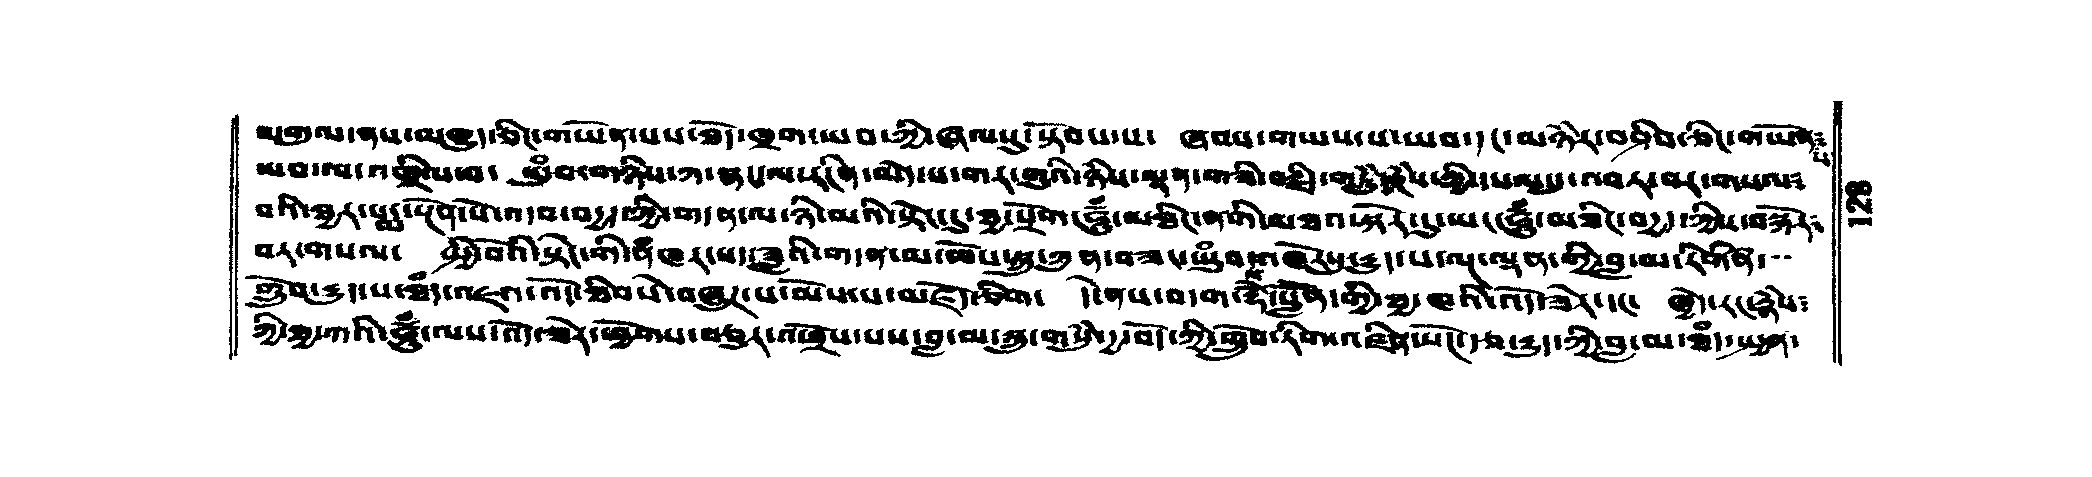མགུལ་ནས་མཁྱུད་ཅིང་གཡོན་པས་ཐོད་ཁྲག་ཡབ་ཀྱི་ཞལ་དུ་སྟོབས་པ། ཞབས་གཡས་པ་ཡབ་དང་མཉམ་པར་བཤིས་ཅིང་གཡོན་པ་
ཡབ་ལ་འཁྲིལ་བ། ཡབ་ཡུམ་གཉིས་ཀ་སྣང་ལ་རང་བཞིན་མེད་པ་གར་གུའི་ཉམས་ལྡན་གཟི་བརྗིད་གཏུམ་བརྔམས་ཀྱི་དཔལ་དུ་འབར་བར་གསལ་
བའི་ཐུགས་ཀར་པདྨ་སྔོན་པོ་འདབ་བརྒྱད་ཀྱི་གདན་ལ་ཉི་མའི་སྟེང་དུ་ཐུགས་སྲོག་ཧཱུྃ་མཐིང་ནག་གི་མཐའ་སྐོར་དུ་ཡང་ཧཱུྃ་མཐིང་བརྒྱད་ཀྱིས་བསྐོར་
བར་གསལ། སྤྱི་བོའི་སྟེང་གི་ནམ་མཁར་པད་ཟླའི་གདན་མ་ཆོས་སྐུ་ཀུན་བཟང་ཡབ་ཡུམ་ཚ་འཁོར་དུ་རྒྱུད་པ་ལྔ་ལྡན་གྱི་བླ་མ་རིག་འཛིན་
གྲུབ་ཐོབ་རྒྱུད་པ་ཐམས་ཅད་འཇའ་འོད་ཐིབས་སེ་བཞུགས་པ་མོས་པ་མཛོད་ཅིག དེ་ནས་བདག་རྡོ་རྗེ་སློབ་དཔོན་གྱི་ཐུགས་ཀའི་འོད་ཟེར་དང་། ཁྱེད་རང་རྣམས་
ཀྱི་ཐུགས་ཀའི་ཧཱུྃ་ལས་འོད་ཟེར་ཕྱོགས་བཅུར་འཕྲོས་པས་བླ་མ་སྐུ་གསུམ་རྒྱ་བོད་ཀྱི་གྲུབ་ཐོབ་རིག་འཛིན་སོགས་རྩ་རྒྱུད་ཀྱི་བླ་མ་ཐམས་ཅད་སྤྱན་